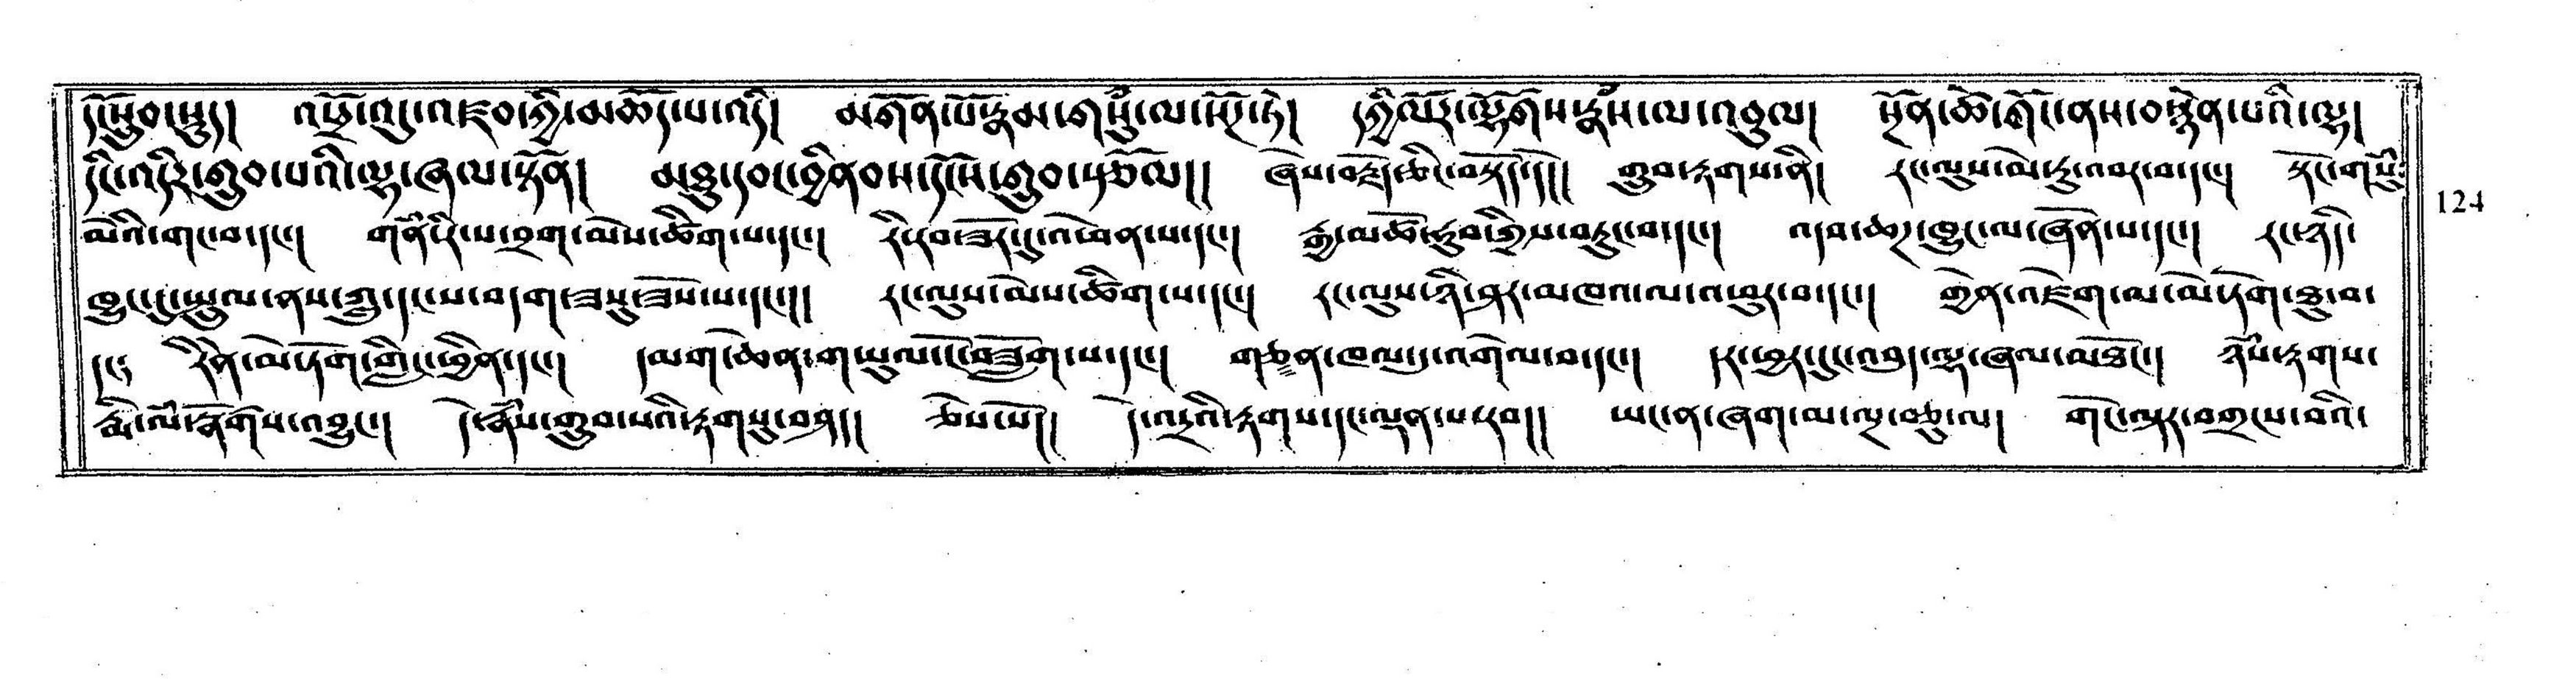དངོས་གྲུབ་སྡུད། འཕྲོ་འདུ་འཛབ་ཀྱི་མཆོད་པ་འདི། མགོན་པོ་རྣམ་གསུམ་ལ་སོགས་ཏེ། དཀྱིལ་འཁོར་ལྷ་ཚོགས་རྣམས་ལ་འབུལ། སྔོན་ཚེ་གོང་ནས་བསྙེན་པའི་ལྷ། 
དིང་འདིར་གྲུབ་པའི་ལྷ་ཞལ་སྟོན། མཐུ་དབང་བྱིན་རླབས་དངོས་གྲུབ་སྩོལ།། ཞེས་བརྗོད་ཅིང་བསྟོད་དོ།། གྲུབ་རྟགས་ནི། རང་ལུས་མེ་རུ་འབར་བ་དང་། སྟོང་གསུམ་
མེའི་གང་བ་དང་། གནམ་རི་པ་བྲག་མེས་ཚིག་པ་དང་། རི་རབ་ཟོར་དུ་འཕེན་པ་དང་། རྒྱ་མཚོ་ཧུབ་ཀྱིས་བཏུང་བ་དང་། འདབ་ཆགས་ཁྱུང་ལ་ཞོན་པ་དང་། རང་ཉིད་
ཁྱུང་དུ་སྤྲུལ་ནས་ཀླུ་དང་པ་བདག་ཟས་སུ་ཟོས་པ་དང་། རང་ལུས་མེས་ཚིག་པ་དང་། རང་ལུས་ཉི་ཤར་མཁའ་ལ་འཕུར་བ་དང་། གྱེན་འཛེག་ལ་མེ་ཏོག་ཐུ་བ་
དང་། རིན་ཆེན་མེ་ཏོག་གླིང་ཕྱིན་དང་། དམག་ཆེན་གཡུལ་ངོ་བཟློག་པ་དང་། གཅན་ཟན་ཁལ་དུ་འགེལ་བ་དང་། དར་ཕྱར་དུང་འབུད་ལྷ་ཞལ་མཐོང་། ཉམས་རྟགས་
རྨི་ལམ་སྣ་ཚོགས་འབྱུང་། དེ་རྣམས་གྲུབ་པའི་རྟགས་སུ་བཤད། ཅེས་སོ།། དེ་འདྲའི་རྟགས་དང་ལྡན་པ་རབ།། ཡང་ན་ཞག་མ་ལྔ་བཅུ་ལ། གོང་ལྟར་བགྲངས་བའི་